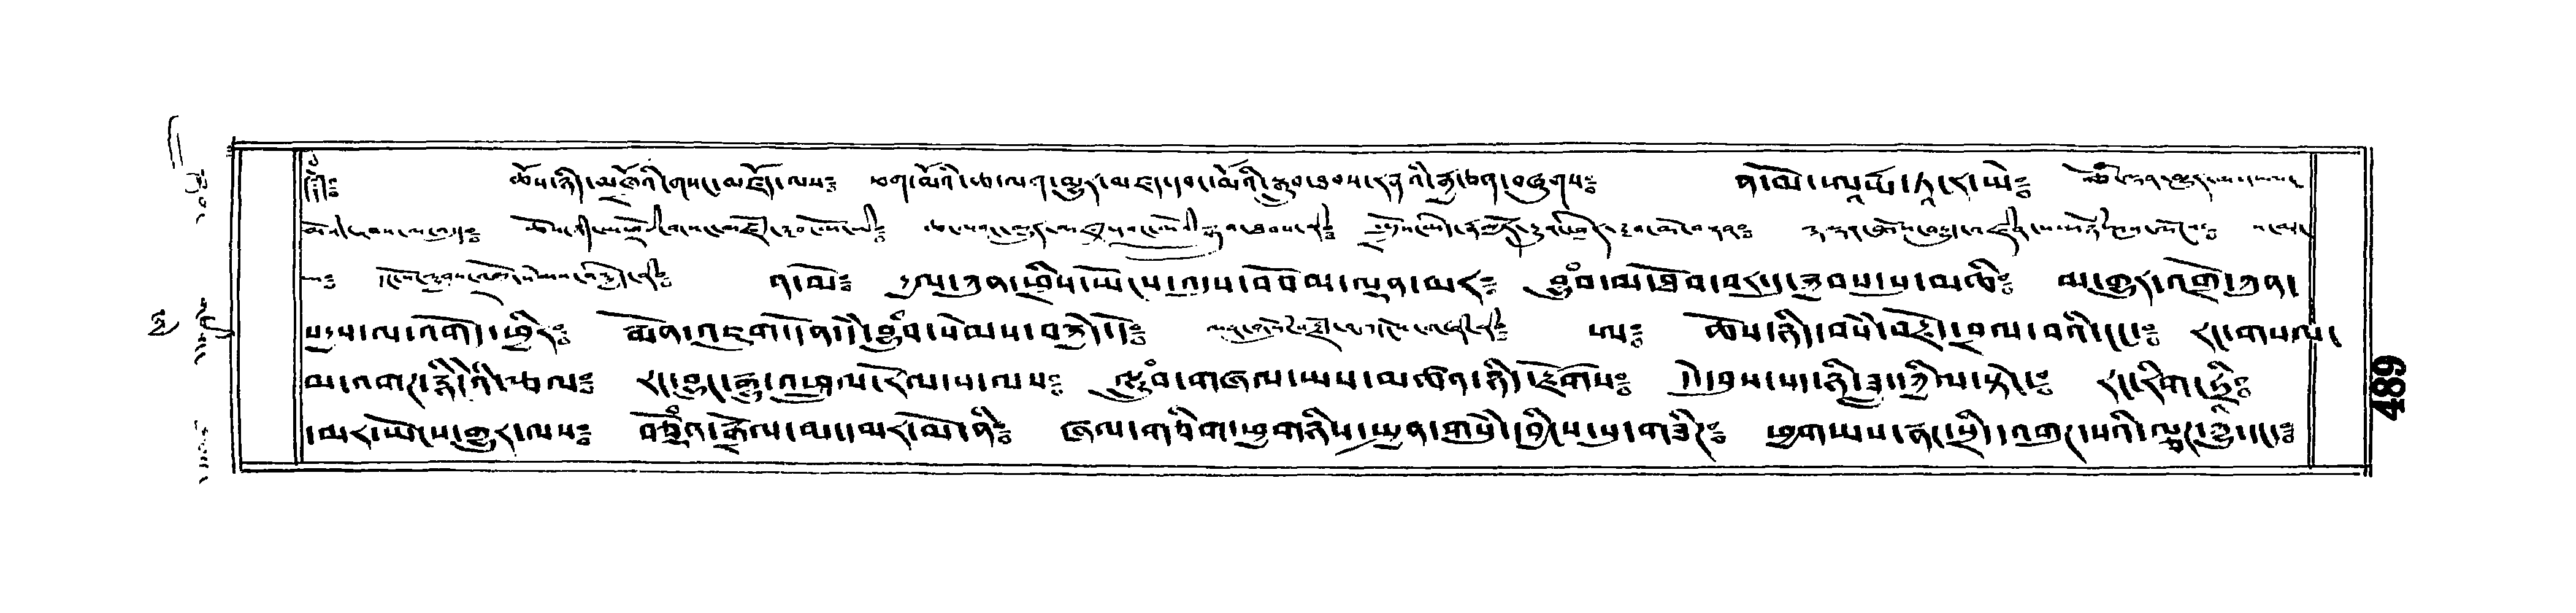ཆོས་ཉིད་མཁའ་འགྲོའི་གསང་མཛོད་ལས༔ ཕག་མོའི་ཆ་ལག་མྱུར་མཛད་དབང་མོའི་སྒྲུབ་ཐབས་རཏྣའི་རྒྱ་ཅན་བཞུགས༔ ན་མོ་ཨཱརྻ་ཏཱ་ར་ཡེ༔ བཅོམ་ལྡན་མྱུར་མ་དཔལ་
མོའི་ཞབས་ལ་འདུད༔ ཆོས་ཉིད་མཁའ་འགྲོའི་གསང་མཛོད་ཟབ་མོ་ཡི༔ ཆ་ལག་མྱུར་མཛད་དབང་མོའི་སྒྲུབ་ཐབས་ནི༔ སྤྲོས་མེད་རྣལ་འབྱོར་རྒྱུན་ཁྱེར་ཟབ་མོ་བསྟན༔ སྐལ་ལྡན་ཆོས་བརྒྱུད་འཛིན་པས་ཉམས་སུ་ལོངས༔ ས་མ་
ཡ༔ དང་པོ་སྐྱབས་འགྲོ་སེམས་བསྐྱེད་ནི༔ ན་མོ༔ རྒྱན་ཀུན་ཕྲིན་ལས་ཡོངས་འདུས་བཅོམ་ལྡན་མར༔ བྱང་ཆུབ་མ་ཐོབ་བར་དུ་སྐྱབས་སུ་མཆི༔ མ་གྱུར་འགྲོ་ཀུན་
སངས་རྒྱས་ལ་འགོད་ཕྱིར༔ སྨོན་འཇུག་དོན་དམ་བྱང་ཆུབ་སེམས་བསྐྱེད་དོ༔ ལན་གསུམ་བརྗོད་ནས་དངོས་གཞི་ནི༔ ཨཱཿ ཆོས་ཉིད་བསམ་བརྗོད་བྲལ་བའི་ངང༔ རང་གསལ་
མ་འགགས་སྙིང་རྗེའི་རྩལ༔ རང་བྱུང་སྒྱུ་འཕྲུལ་རོལ་པ་ལས༔ ལྷུན་གྲུབ་གཞལ་ཡས་མཚན་ཉིད་རྫོགས༔ དེ་དབུས་པད་ཉི་ཟླ་དཀྱིལ་སྟེང༔ རང་རིག་ཧྲཱིཿ
དམར་ཡོངས་གྱུར་ལས༔ བཅོམ་ལྡན་སྒྲོལ་མ་དམར་མོ་ནི༔ ཞལ་གཅིག་ཕྱག་གཉིས་སྤྱན་གསུམ་དབྱིངས་སུ་གཟིགས༔ ཕྱག་གཡས་སྣང་སྲིད་འགུགས་པའི་ལྕགས་ཀྱུ་དང༔